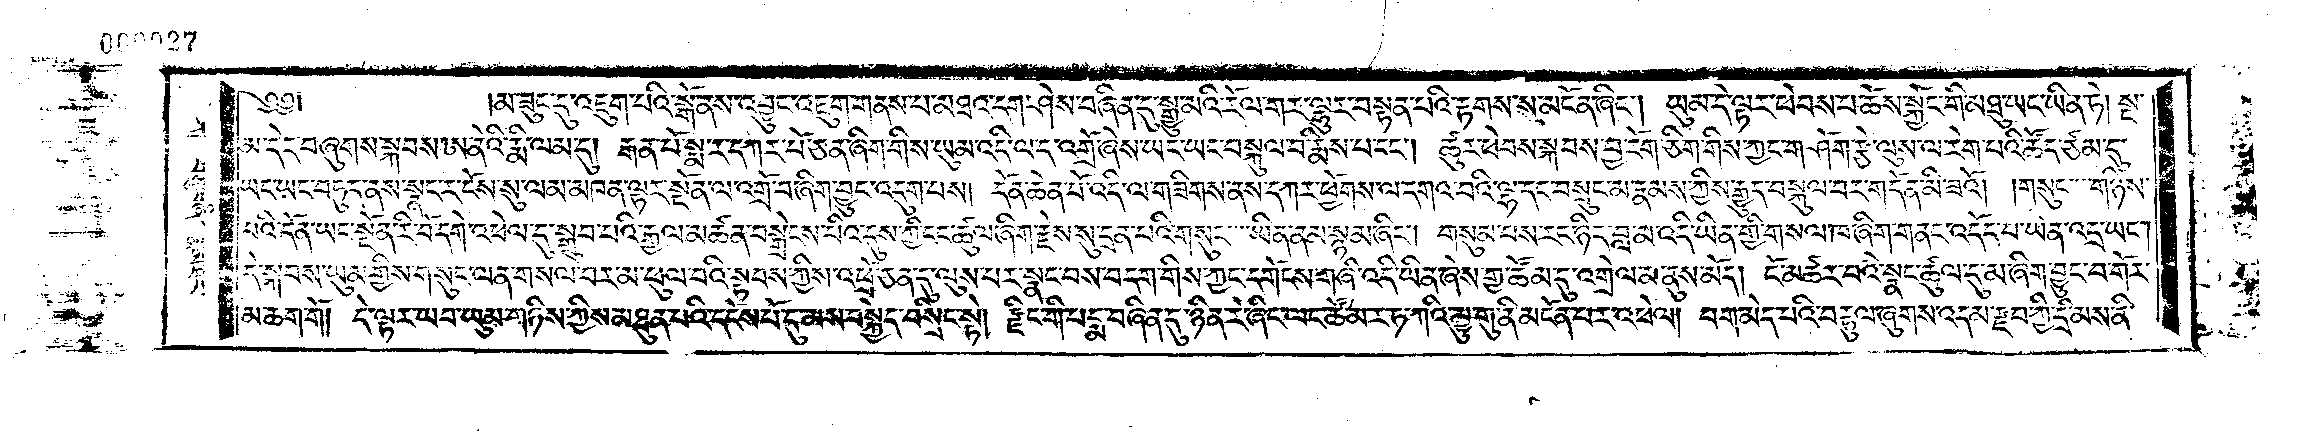༄༅། །མ་ཟུང་དུ་འཇུག་པའི་སྒོ་ནས་འབྱུང་འཇུག་གནས་པ་མཐའ་དག་ཤེས་བཞིན་དུ་སྒྱུ་མའི་རོལ་གར་ལྷུར་བསྟན་པའི་རྟགས་སུ་མངོན་ཞིང་། ཡུམ་དེ་ལྟར་ཕེབས་པ་ཆོས་སྐྱོང་གི་མཐུ་ཡང་ཡིན་ཏེ། སྔ་
མ་དེར་བཞུགས་སྐབས་ཨ་ནེའི་རྨི་ལམ་དུ། རྒན་པོ་སྨ་ར་དཀར་པོ་ཅན་ཞིག་གིས་ཡུམ་འདི་ལད་འགྲོ་ཞེས་ཡང་ཡང་བསྐུལ་བ་རྨིས་པ་དང་། ཚུར་ཕེབས་སྐབས་བྱ་རོག་ཅིག་གིས་ཀྱང་གཤོག་རྩེ་ལུས་ལ་རེག་པའི་ཚོད་ཙམ་དུ་
ཡང་ཡང་བཏུད་ནས་སྣང་ར་ངོས་སུ་ལམ་མཁན་ལྟར་སྔོན་ལ་འགྲོ་བ་ཞིག་བྱུང་འདུག་པས། དོན་ཆེན་པོ་འདི་ལ་གཟིགས་ནས་དཀར་ཕྱོགས་ལ་དགའ་བའི་ལྷ་དང་བསྲུང་མ་རྣམས་ཀྱིས་རྒྱུད་བསྐུལ་བར་གདོན་མི་ཟའོ། །གསུང་གཉིས་
པའི་དོན་ཡང་སྔོན་རི་པོ་དགེ་འཕེལ་དུ་སྒྲུབ་པའི་རྒྱལ་མཚན་བསྒྲེངས་པའི་དུས་ཀྱི་ངང་ཚུལ་ཞིག་རྗེས་སུ་དྲན་པའི་གསུང་ཡིན་ནམ་སྙམ་ཞིང་། གསུམ་པས་རང་ཉིད་བླ་མ་འདི་ཡིན་གྱི་གསལ་ཁ་ཞིག་གནང་འདོད་པ་ཡིན་འདྲ་ཡང་།
དེ་སྐབས་ཡུམ་གྱིས་གསུང་ལན་གསལ་བར་མ་ཕུལ་བའི་སྟབས་ཀྱིས་འཕྲོ་ཅན་དུ་ལུས་པར་སྣང་བས་བདག་གིས་ཀྱང་དགོངས་གཞི་འདི་ཡིན་ཞེས་གྱ་ཚོམ་དུ་འགྲེལ་མ་ནུས་མོད། ངོ་མཚར་བའི་སྣང་ཚུལ་དུ་མ་ཞིག་བྱུང་བ་གོར་
མ་ཆག་གོ། དེ་ལྟར་ཡབ་ཡུམ་གཉིས་ཀྱིས་མཐུན་པའི་དངོས་པོ་དུ་མས་བསྐྱེད་བསྲིང་སྟེ། རྫིང་གི་པདམ་བཞིན་དུ་ཉིན་རེ་ཞིང་ལང་ཚོ་མ་ར་ཏ་ཀའི་མྱུ་གུ་ནི་མངོན་པར་འཕེལ། བག་མེད་པའི་བརྟུལ་ཞུགས་འདམ་རྫབ་ཀྱི་དྲི་མས་ནི་